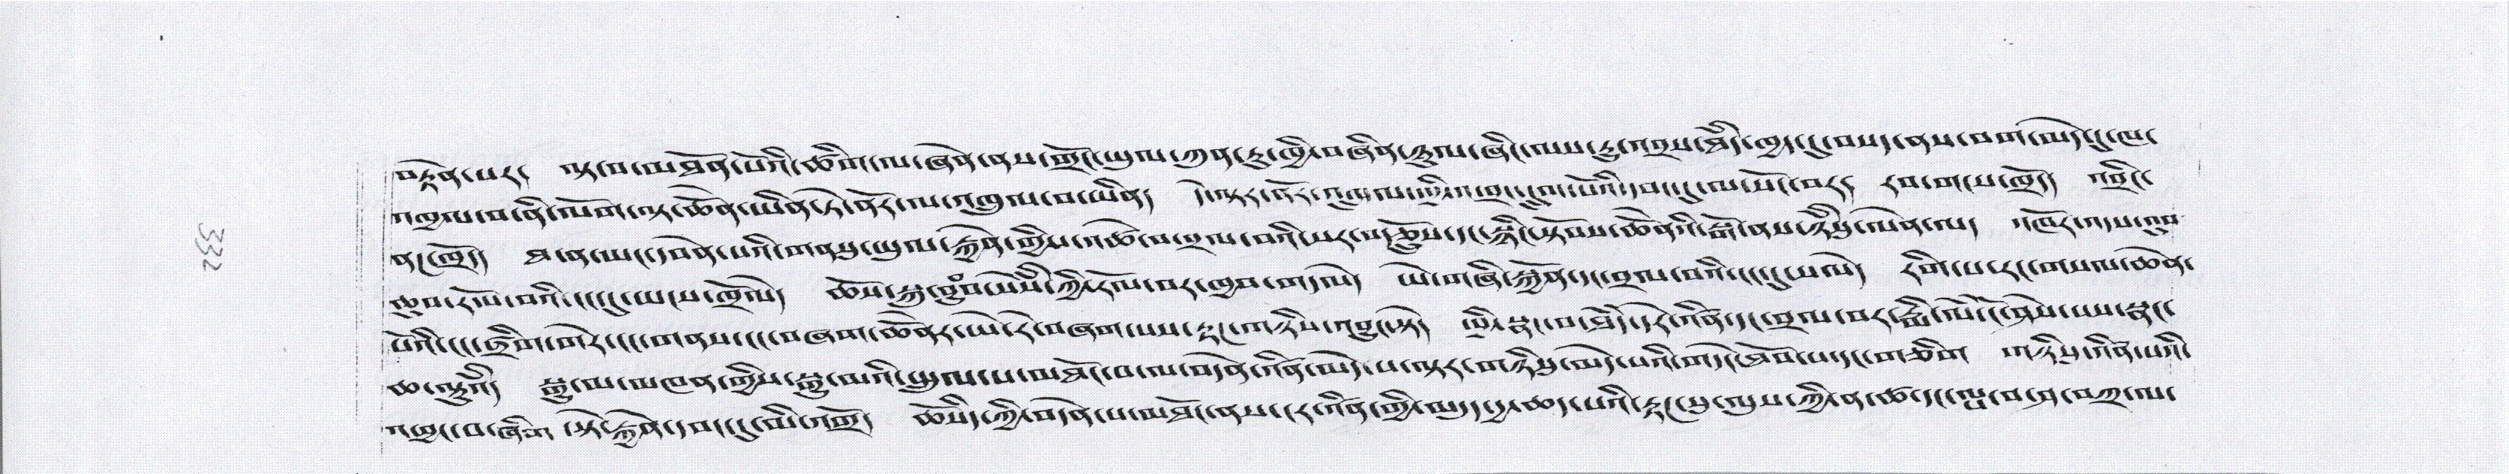བརྟེན་པར། ལྟ་བ་ལ་མཐོན་པོའི་ཚིག་ལ་ཞེན་ནས་གྲོང་ཡུལ་ཀུན་ཏུ་ཁྱི་བཞིན་ཉུལ་ཞིང་ལས་རྒྱུ་འབྲས་ཐམས་ཅད་ཁྱད་དུ་བསད་ནས་བག་མེད་དུ་ཁ་
འཁྱལ་བ་ནི་ལོག་ལྟ་ཆེན་པོ་ཡིན་ཏེ་ནོར་ལ་འཁྲུལ་བ་ཡིན། དེ་ལྟར་ནོར་འཁྲུལ་གྱི་འཕྲང་དྲུག་པོའི་དབང་དུ་མ་སོང་བར། རབ་གངས་ཁྲོད། འབྲིང་
ནགས་ཁྲོད། ཐ་ན་ཡང་དབེན་པའི་གནས་སུ་ཡུལ་རྐྱེན་གྱིས་འཚེ་བ་བྲལ་བའི་སར་བརྩོན་འགྲུས་དང་སྙིང་སྟོབས་ཆེན་པོའི་སྒོ་ནས་ཉམས་སུ་ལེན་ལ། འཁོར་འདས་འུབ་
ཆུབ་རོལ་བའི་ངང་དུ་ཡངས་ཁྲོལ་ལོ། ཆོས་སྐུ་བྱང་ཆུབ་སེམས་ཀྱི་རོལ་བར་ཁྱབ་གདལ་ལེ། ཡེ་གཞི་སྐྱོན་དང་བྲལ་བའི་ངང་དུ་སལེ། རིག་པ་རང་གསལ་ཆེན་
པོའི་ངང་ཧྲིག་གེར་ངང་གནས་ངང་བཞག་ཆེན་པོར་ཡེ་རེ་བཞག་པས་རྟགས་གཉིས་འབྱུང་སྟེ། ཕྱི་སྣང་བ་ཐམས་ཅད་དེར་འཛིན་དང་བྲལ་བར་རྨི་ལམ་ངོ་ཤེས་པས་སྣང་
ཆ་ལྟ་བུའམ། སྒྱུ་མ་མཁན་གྱིས་སྒྱུ་མའི་སྤྲུལ་པ་མཐོང་བ་ལ་བདེན་འཛིན་མེད་པ་ལྟར་གཉིས་སུ་མེད་པའི་གདེང་ཐོབ་པ་དང་གཅིག གཉིས་སུ་འཛིན་པའི་
འཕྱང་བ་ཞིག་སྟེ་རྐྱེན་དབང་དུ་མི་འགྲོ། ཆོས་ཉིད་ཀྱི་བདེན་པ་མཐོང་ནས་ངར་འཛིན་གྱི་མདུད་རྒྱ་ཆད་པའི་རྟགས་སུ་ལུས་ཀྱི་ན་ཚ་དང་ལྤ་བ་ཤ་བཀྲ་ལ་